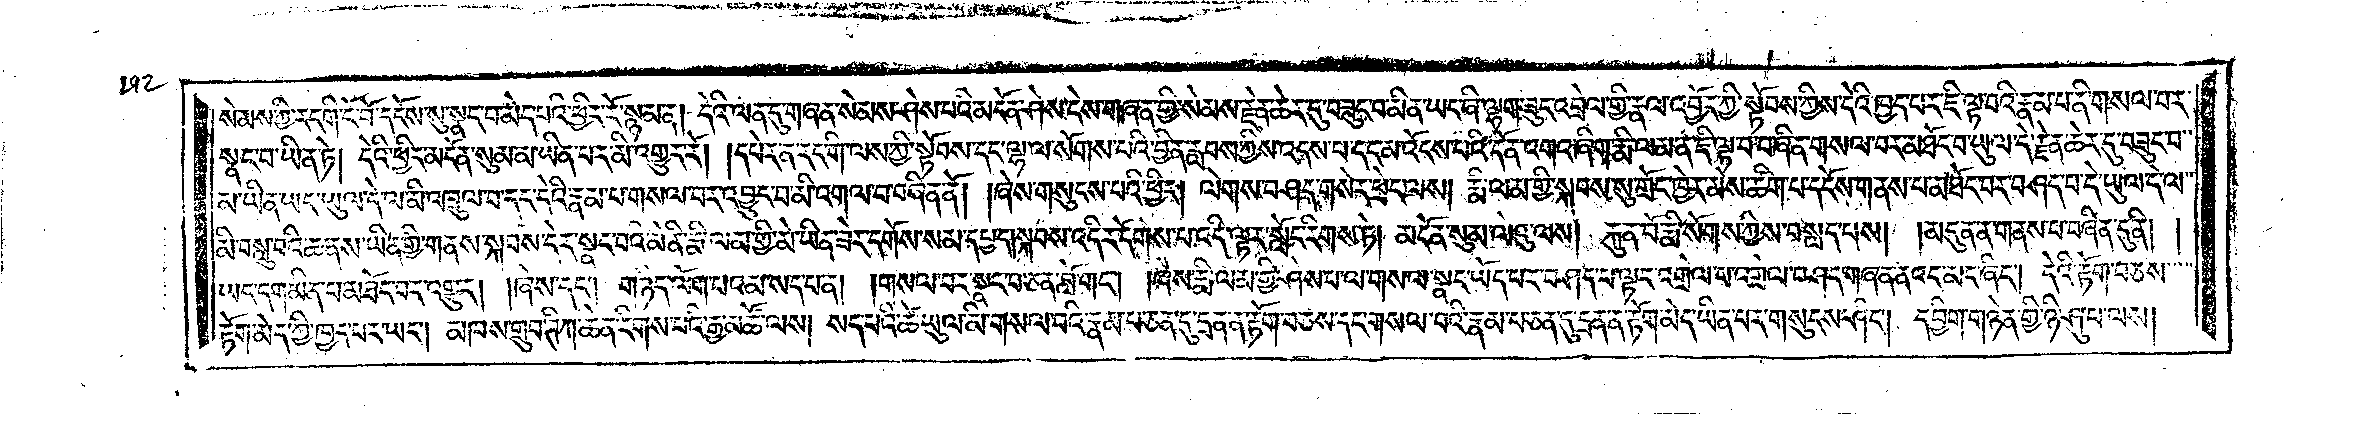སེམས་ཀྱི་རང་གི་ངོ་བོ་དངོས་སུ་སྣང་བ་མེད་པའི་ཕྱིར་རོ་སྙམ་ན། དེའི་ལན་དུ་གཞན་སེམས་ཤེས་པའི་མངོན་ཤེས་དེས་གཞན་གྱི་སེམས་རྗེན་ཆེར་དུ་བཟུང་བ་མིན་ཡང་ཞི་ལྷག་ཟུང་འབྲེལ་གྱི་རྣལ་འབྱོར་ཀྱི་སྟོབས་ཀྱིས་དེའི་ཁྱད་པར་ཇི་ལྟ་བའི་རྣམ་པ་ནི་གསལ་བར་
སྣང་བ་ཡིན་ཏེ། དེའི་ཕྱིར་མངོན་སུམ་མ་ཡིན་པར་མི་འགྱུར་རོ། །དཔེར་ན་རང་གི་ལས་ཀྱི་སྟོབས་དང་ལྷ་ལ་སོགས་པའི་བྱིན་རླབས་ཀྱིས་འདས་པ་དང་མ་འོངས་པའི་དོན་འགའ་ཞིག་རྨི་ལམ་ན་ཇི་ལྟ་བ་བཞིན་གསལ་བར་མཐོང་བ་ཡུལ་དེ་རྗེན་ཆེར་དུ་བཟུང་བ་
མ་ཡིན་ཡང་ཡུལ་དེ་ལ་མི་འཁྲུལ་བ་དང་དེའི་རྣམ་པ་གསལ་བར་འབྱུང་བ་མི་འགལ་བ་བཞིན་ནོ། །ཞེས་གསུངས་པའི་ཕྱིར། ལེགས་བཤད་གསེར་ཕྲེང་ལས། རྨི་ལམ་གྱི་སྐབས་སུ་གྲོང་ཁྱེར་མེས་ཚིག་པ་དངོས་གནས་པ་མཐོང་བར་བཤད་པ་དེ་ཡུལ་དེ་ལ་
མི་བསླུ་བའི་ཆ་ནས་ཡིན་གྱི་གནས་སྐབས་དེར་སྣང་བའི་མེ་ནི་རྨི་ལམ་གྱི་མེ་ཡིན་ཟེར་དགོས་སམ་དཔྱད། སྐབས་འདིར་དོགས་པ་འདི་ལྟར་སློང་རིགས་ཏེ། མངོན་སུམ་ལེའུ་ལས། རྐུན་པོ་རྨི་སོགས་ཀྱིས་བསླད་པས། །མདུན་ན་གནས་པ་བཞིན་དུ་ནི། །
ཡང་དག་མིན་པ་མཐོང་བར་འགྱུར། །ཞེས་དང་། གཉིད་ལོག་པའམ་སད་པ་ན། །གསལ་བར་སྣང་བ་ཅན་བློ་གང་། །ཞེས་རྨི་ལམ་གྱི་ཤེས་པ་ལ་གསལ་སྣང་ཡོད་པར་བཤད་པ་ལྟར་འགྲེལ་པ་འགྲེལ་བཤད་གཞན་ནའང་མང་ཞིང་། དེའི་རྟོག་བཅས་
རྟོག་མེད་ཀྱི་ཁྱད་པར་ཡང་། མཁས་གྲུབ་ཊིཀ་ཆེན་རིགས་པའི་རྒྱ་མཚོ་ལས། སད་པའི་ཚེ་ཡུལ་མི་གསལ་བའི་རྣམ་པ་ཅན་དུ་དྲན་ན་རྟོག་བཅས་དང་གསལ་བའི་རྣམ་པ་ཅན་དུ་དྲན་ན་རྟོག་མེད་ཡིན་པར་གསུངས་ཤིང་། དབྱིག་གཉེན་གྱི་ཉི་ཤུ་པ་ལས།